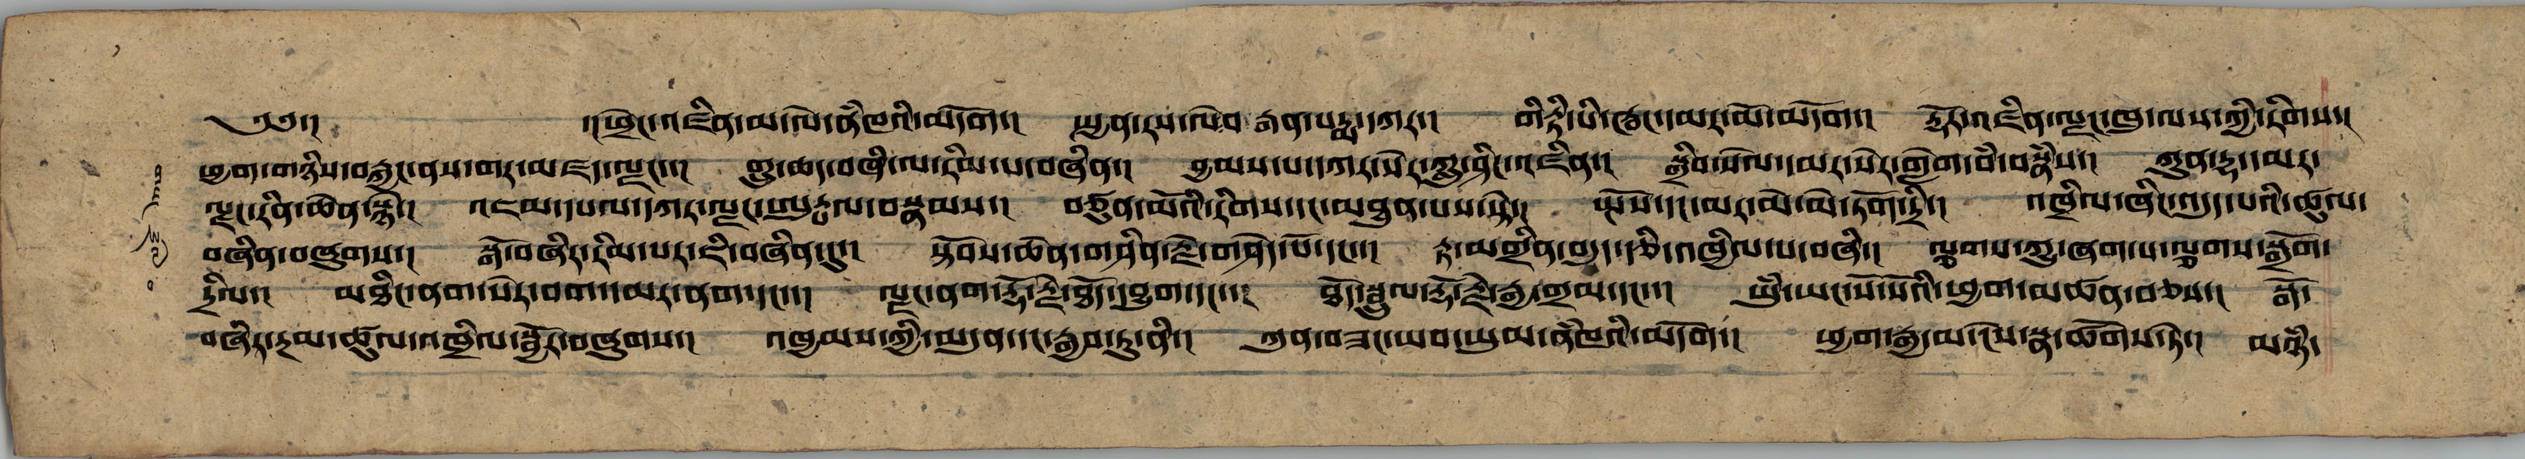༄༅་། ་།ཕྲེང་འཛིན་མ་ལེ་ནཾཁའི་མདོག་། སྤྱན་རས་ལེབ་རྒན་པདྨ་དཀར་། གིརྟི་པི་ཝང་དམར་མོ་མདོག་། རྡོར་འཛིན་ལྗང་ཁུ་ལས་ཀྱི་རིགས་།
ཕྱག་གཉིས་བརྐྱང་ནས་གར་མཛད་ལྗང་་། གྲུ་ཆད་བཞི་ལ་རིམ་པ་བཞིན་། བྱམས་པ་དཀར་སེར་ཀླུ་ཤིང་འཛིན་། སྒྲིབ་སེལ་དམར་སེར་གླེག་བཾ་བསྣཾས་། ཀུན་དྷ་དམར་
ལྗང་རིན་ཆེན་སྙེ་། འཇམ་དཔལ་དཀར་ལྗང་ཨུཏྤལ་བསྣམས་། བཙུན་མོའི་་རིགས་དང་མཐུན་པས་སྟེ་། སྤོས་དང་མར་མེ་མེ་ཏོག་དྲི་། འཁྲིལ་ཞིང་འདུད་པའི་ཚུལ་
བཞིན་བཞུགས་། སྒོ་བཞིར་རིམ་པར་ཇི་བཞིན་དུ་། སྟོབས་ཆེན་གཤིན་རྗེ་གཤེད་པོ་དང་་། རྟ་མགྲིན་བདུད་རྩི་འཁྱིལ་པ་བཞི་། ལྕགས་ཀྱུ་ཞག་པ་ལྕགས་སྒྲོག་
དྲིལ་། མཐིང་ནག་སེར་བག་དམར་ནག་དང་་། ལྗང་ནག་རྡོ་རྗེ་ཐོད་དབྱུག་དང་་། ཐོད་སྦྲུལ་རྡོ་རྗེ་རྒྱ་གྲམ་དང་་། ཡུཾ་ཡང་སོ་སོའི་ཕྱག་མཚན་བཅས་། སྒོ་
བཞིར་རྔམ་ཚུལ་འཁྲིལ་སྦྱོར་བཞུགས་། འཁྱམས་ཀྱི་མདུན་དང་རྒྱབ་ཏུ་ནི་། ཀུན་བཟང་ཡབ་ཡུམ་ནཾཁའི་མདོག་། ཕྱག་རྒྱ་མ་ངེས་སྣ་ཚོགས་ཏེ་། མཉཾ་